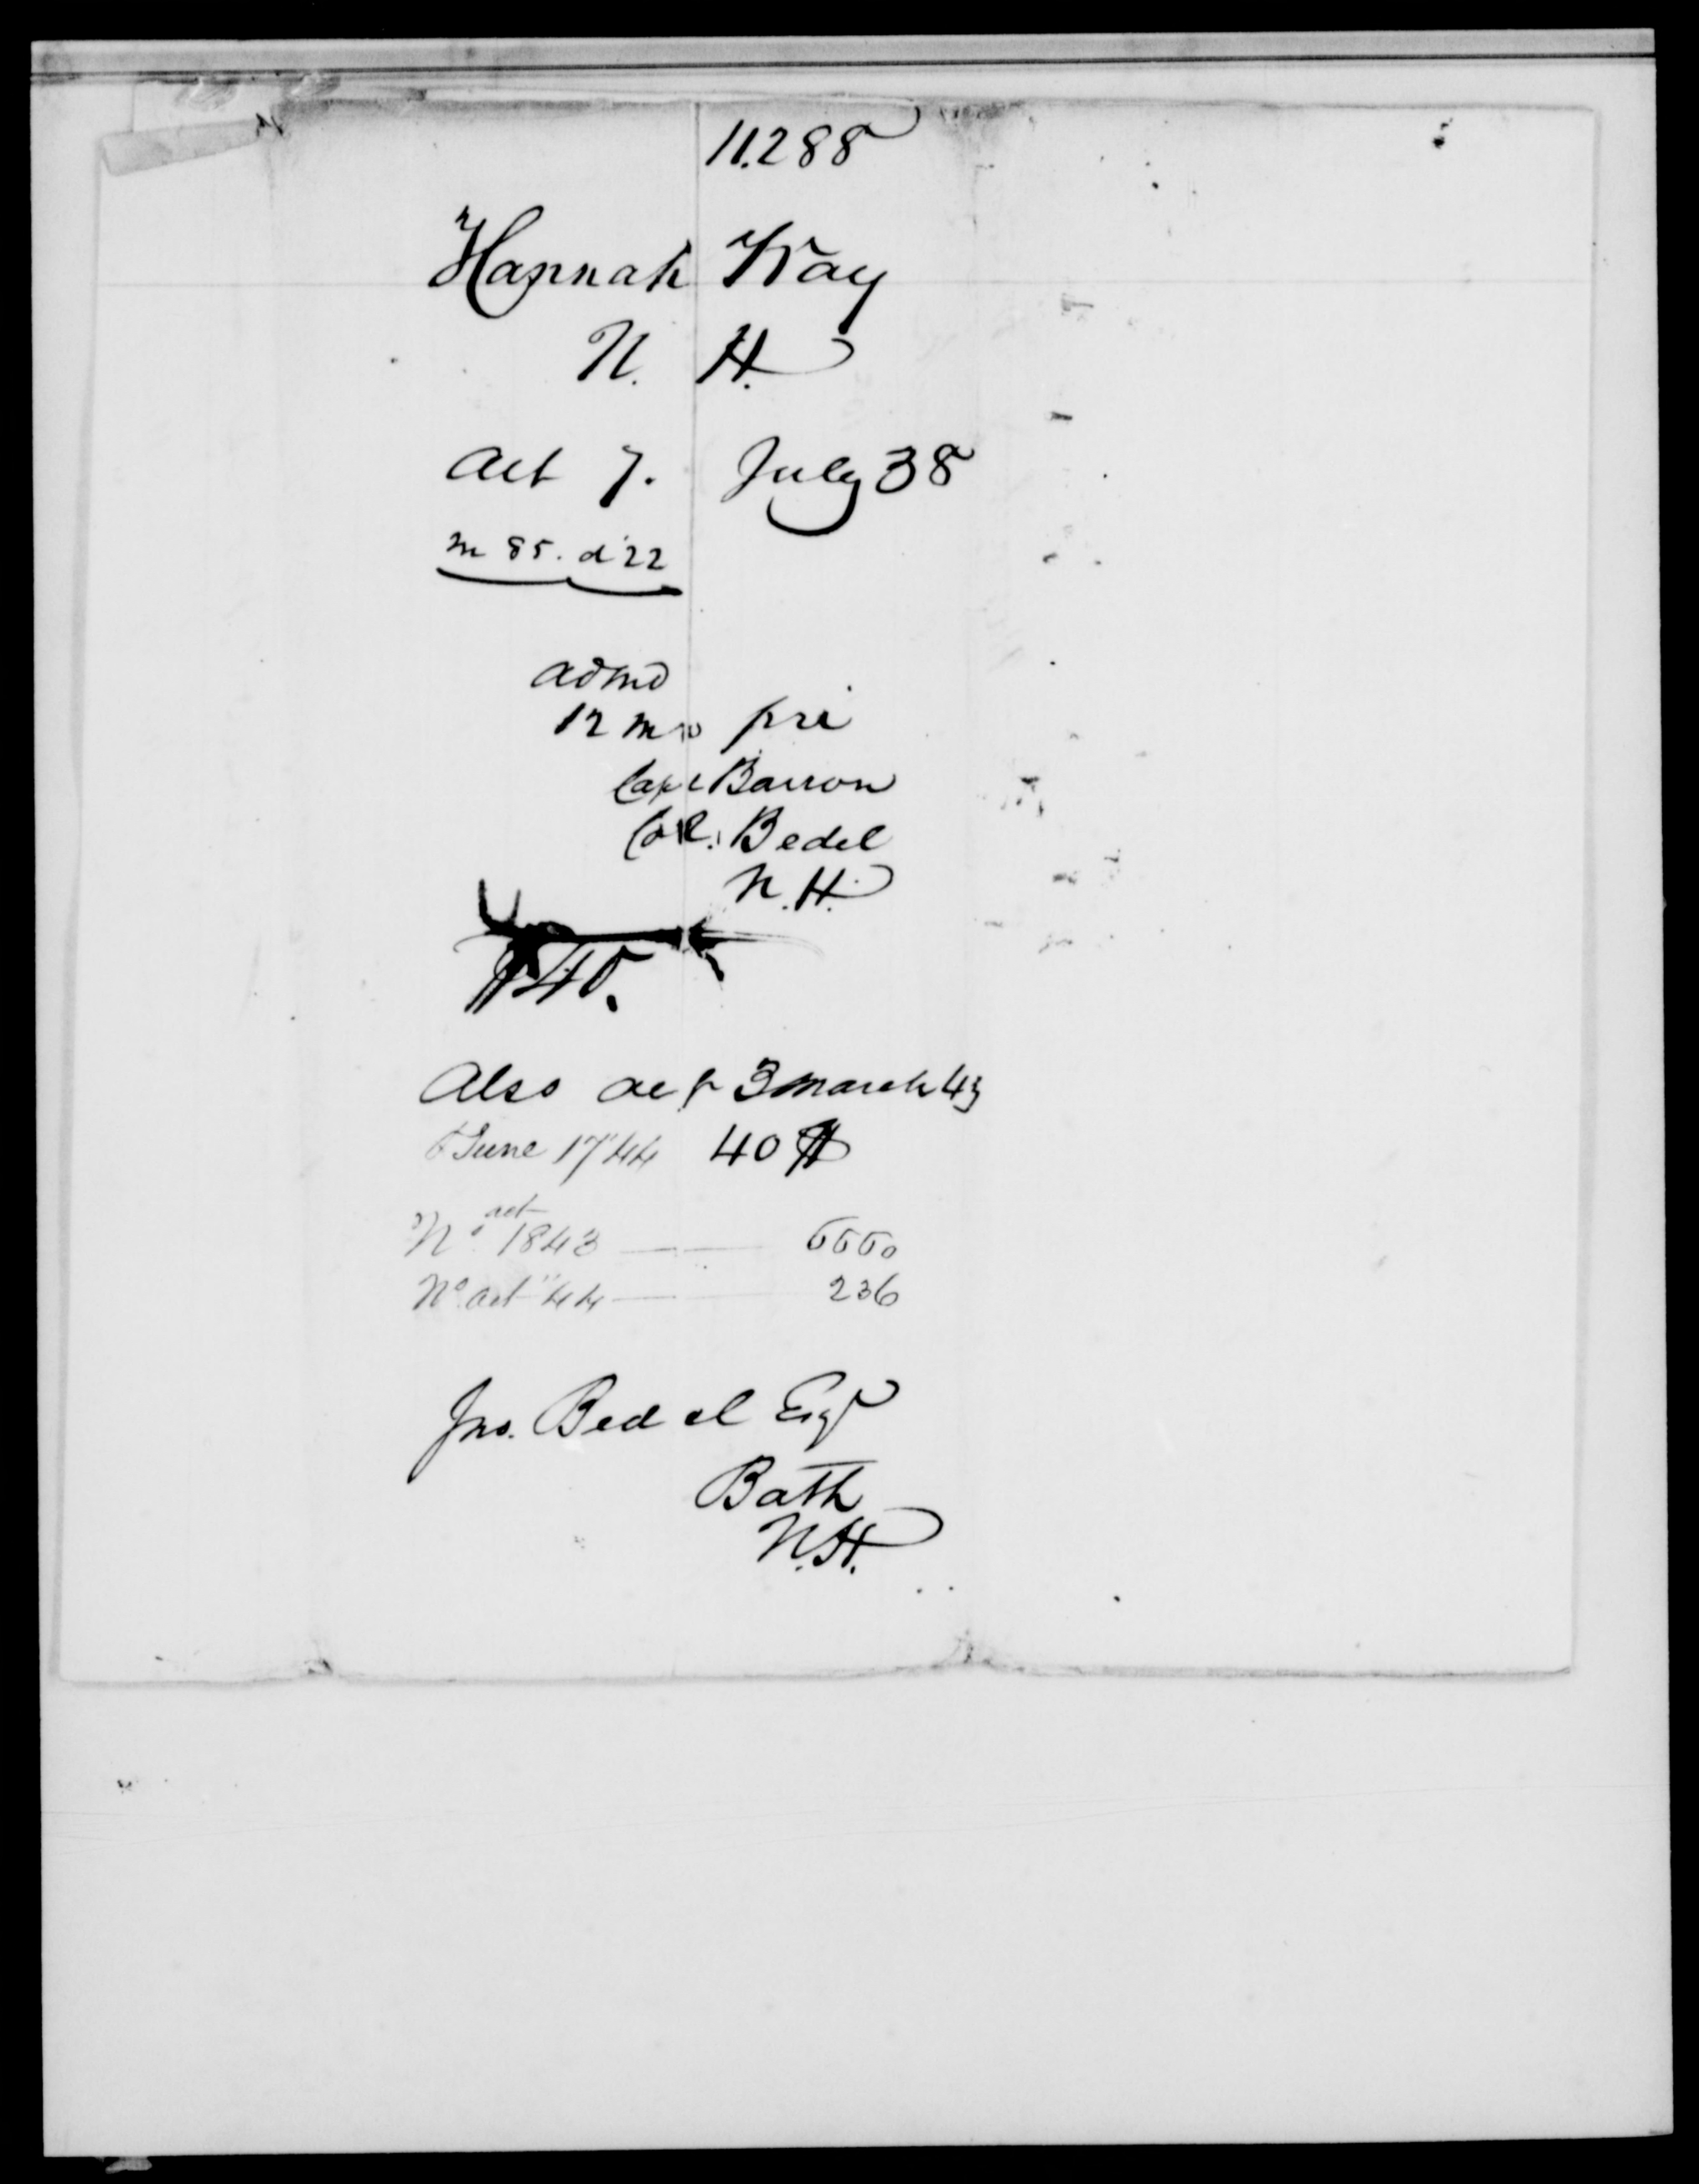11.288
Hannah Way
N.H.
Act 7. July 38
m 85 d 22
Admd
12 mo pri
Capt Barron
Col. Bedel
N.H.
Also act 3  March 43
June 1744 40
No act 1843 6660
No act 44 236
Jno. Bedel Esqr
Bath 
N.H.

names: Bedel, Hannah Way, Barron, Jno Bedel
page: 76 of 78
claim: widow's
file: W. 25856, Samuel Way, N.H.